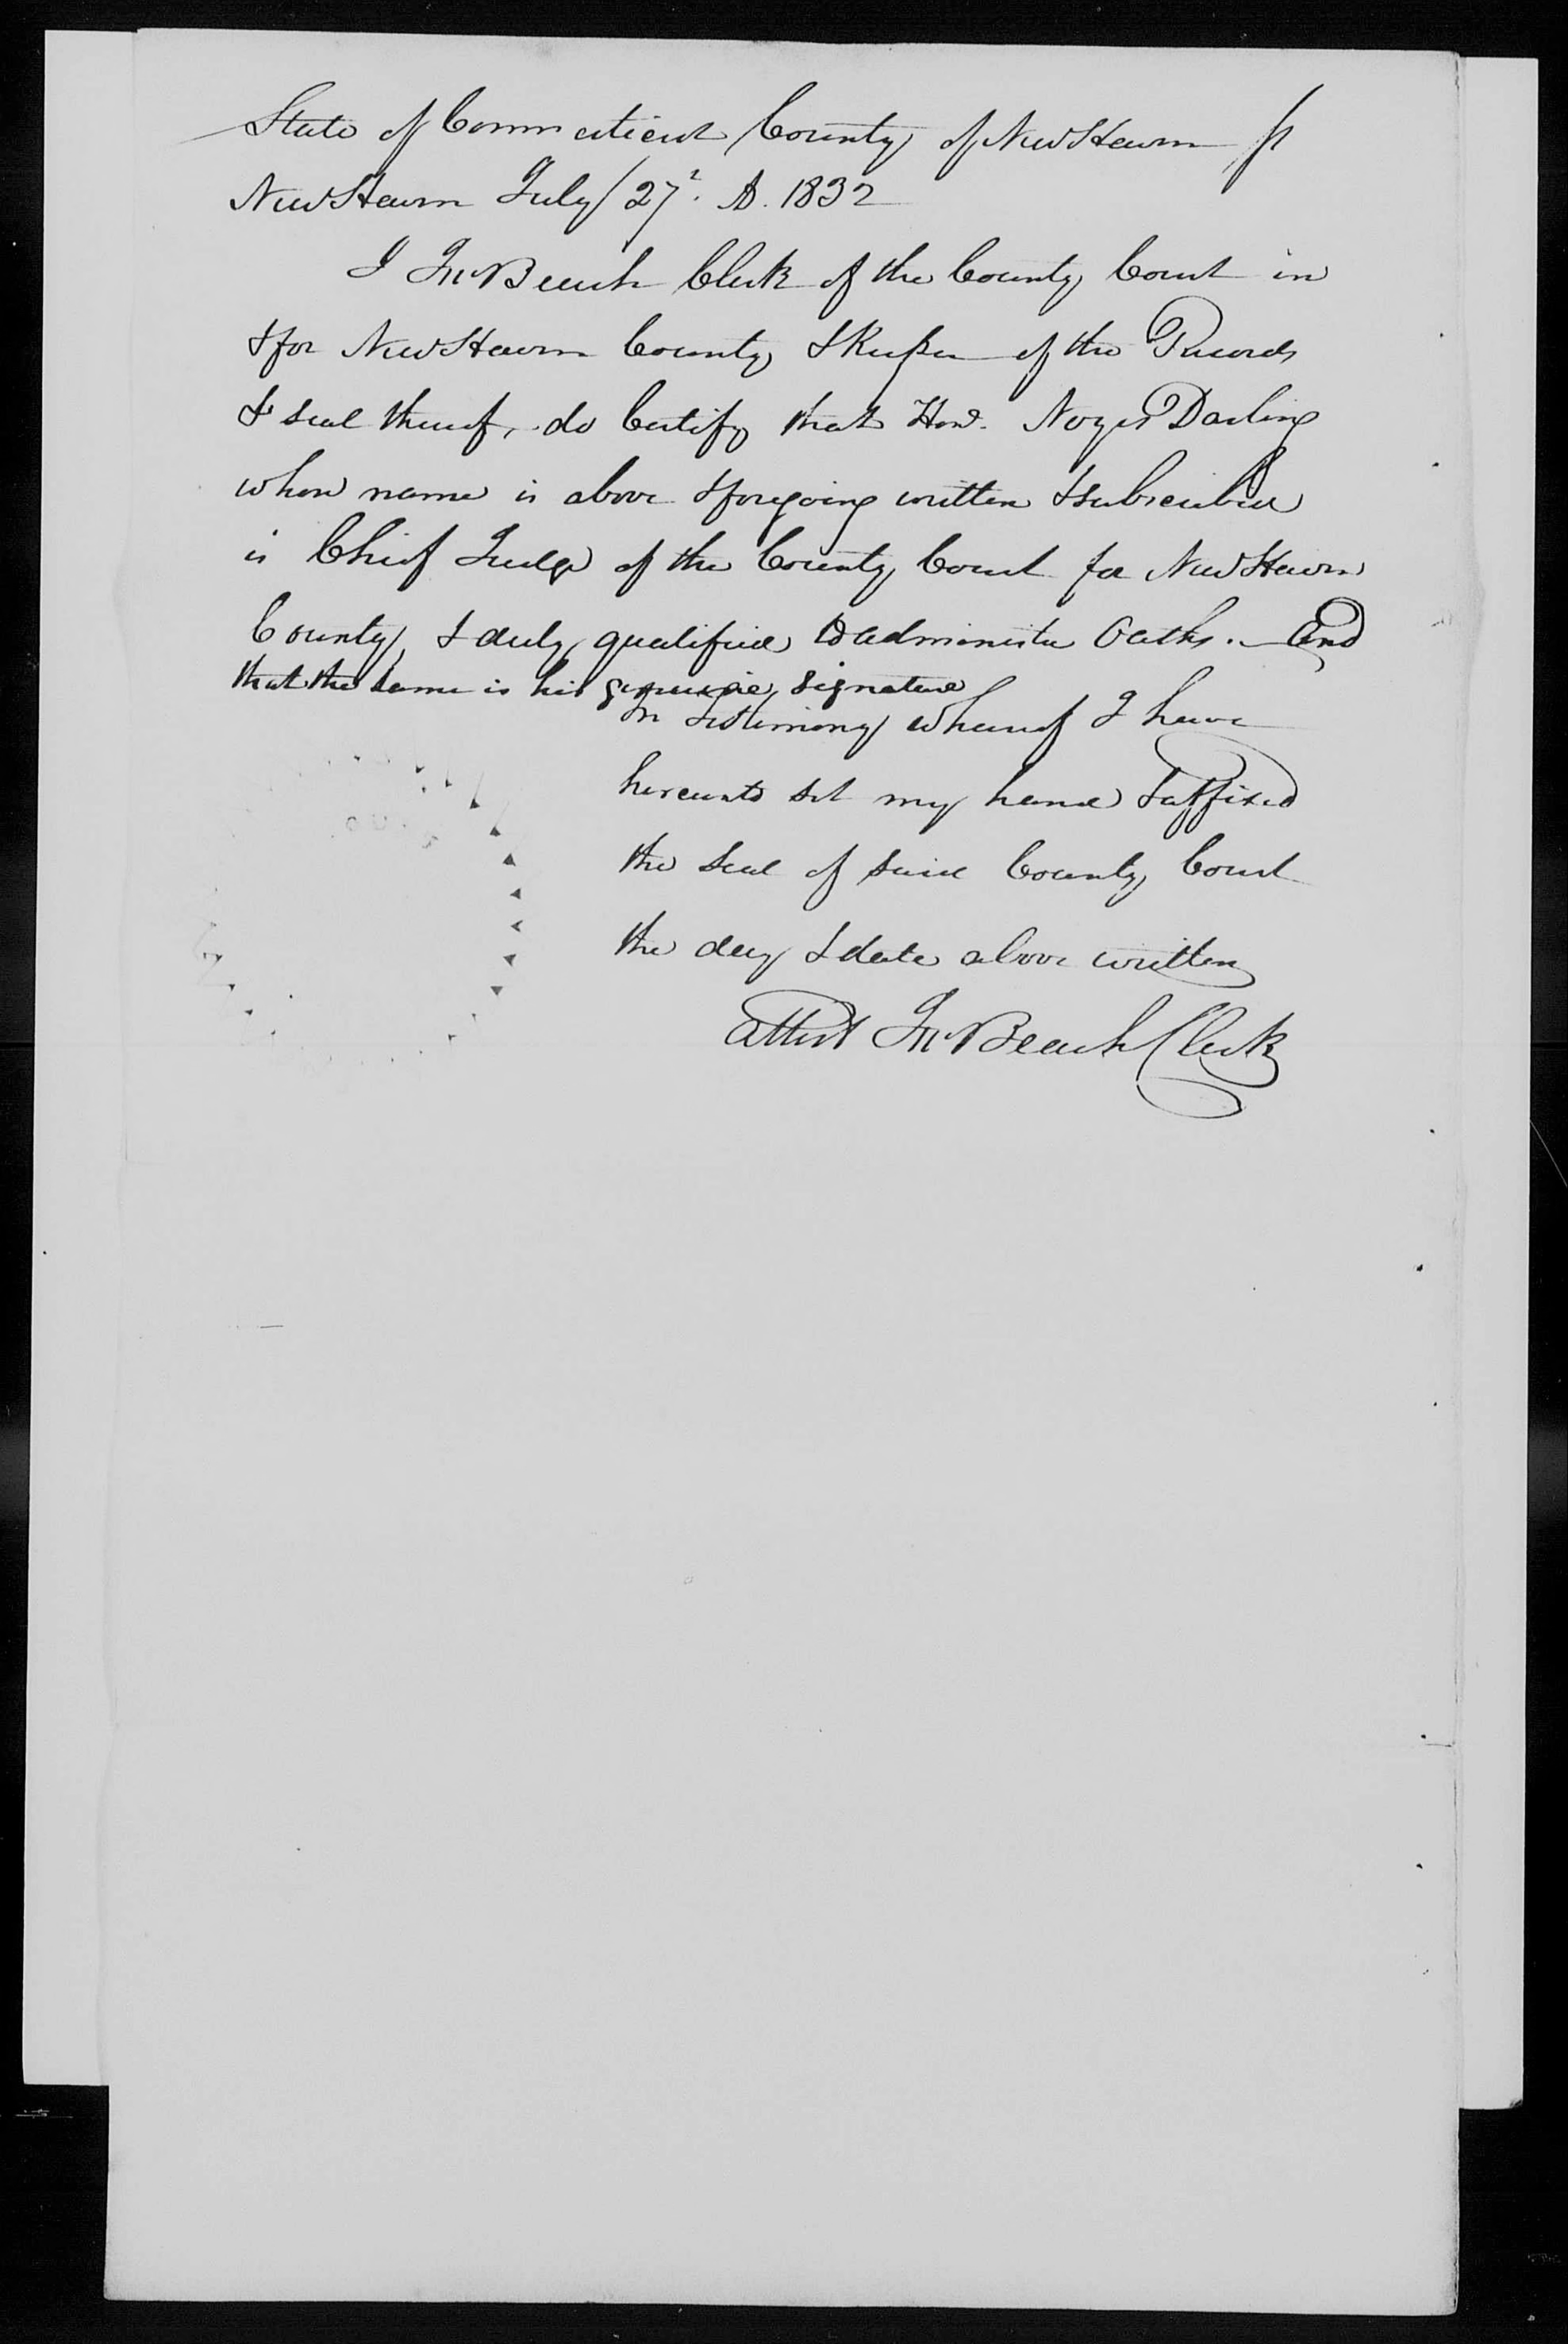State of Connecticut County of New Haven Ss. New Haven July 27th AD 1832
I Jno Beach Clerk of the County Court in & for New Haven County & Keeper of the Records & Seal thereof, do Certify that Hon. Noyes Darling whose name is above & foregoing written & subscribed is Chief Judge of the County Court for New Haven County & duly qualified to administer oaths And that the same is his genuine signature
In Testimony whereof I have hereunto set my hand & affixed the Seal of said County Court the day & date above written
Attest Jno Beach Clerk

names: Jno Beeich, Jno Beach, Noyes Darling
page: 15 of 21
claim: survivor's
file: S. 14943, Wheeler Beecher, Conn.